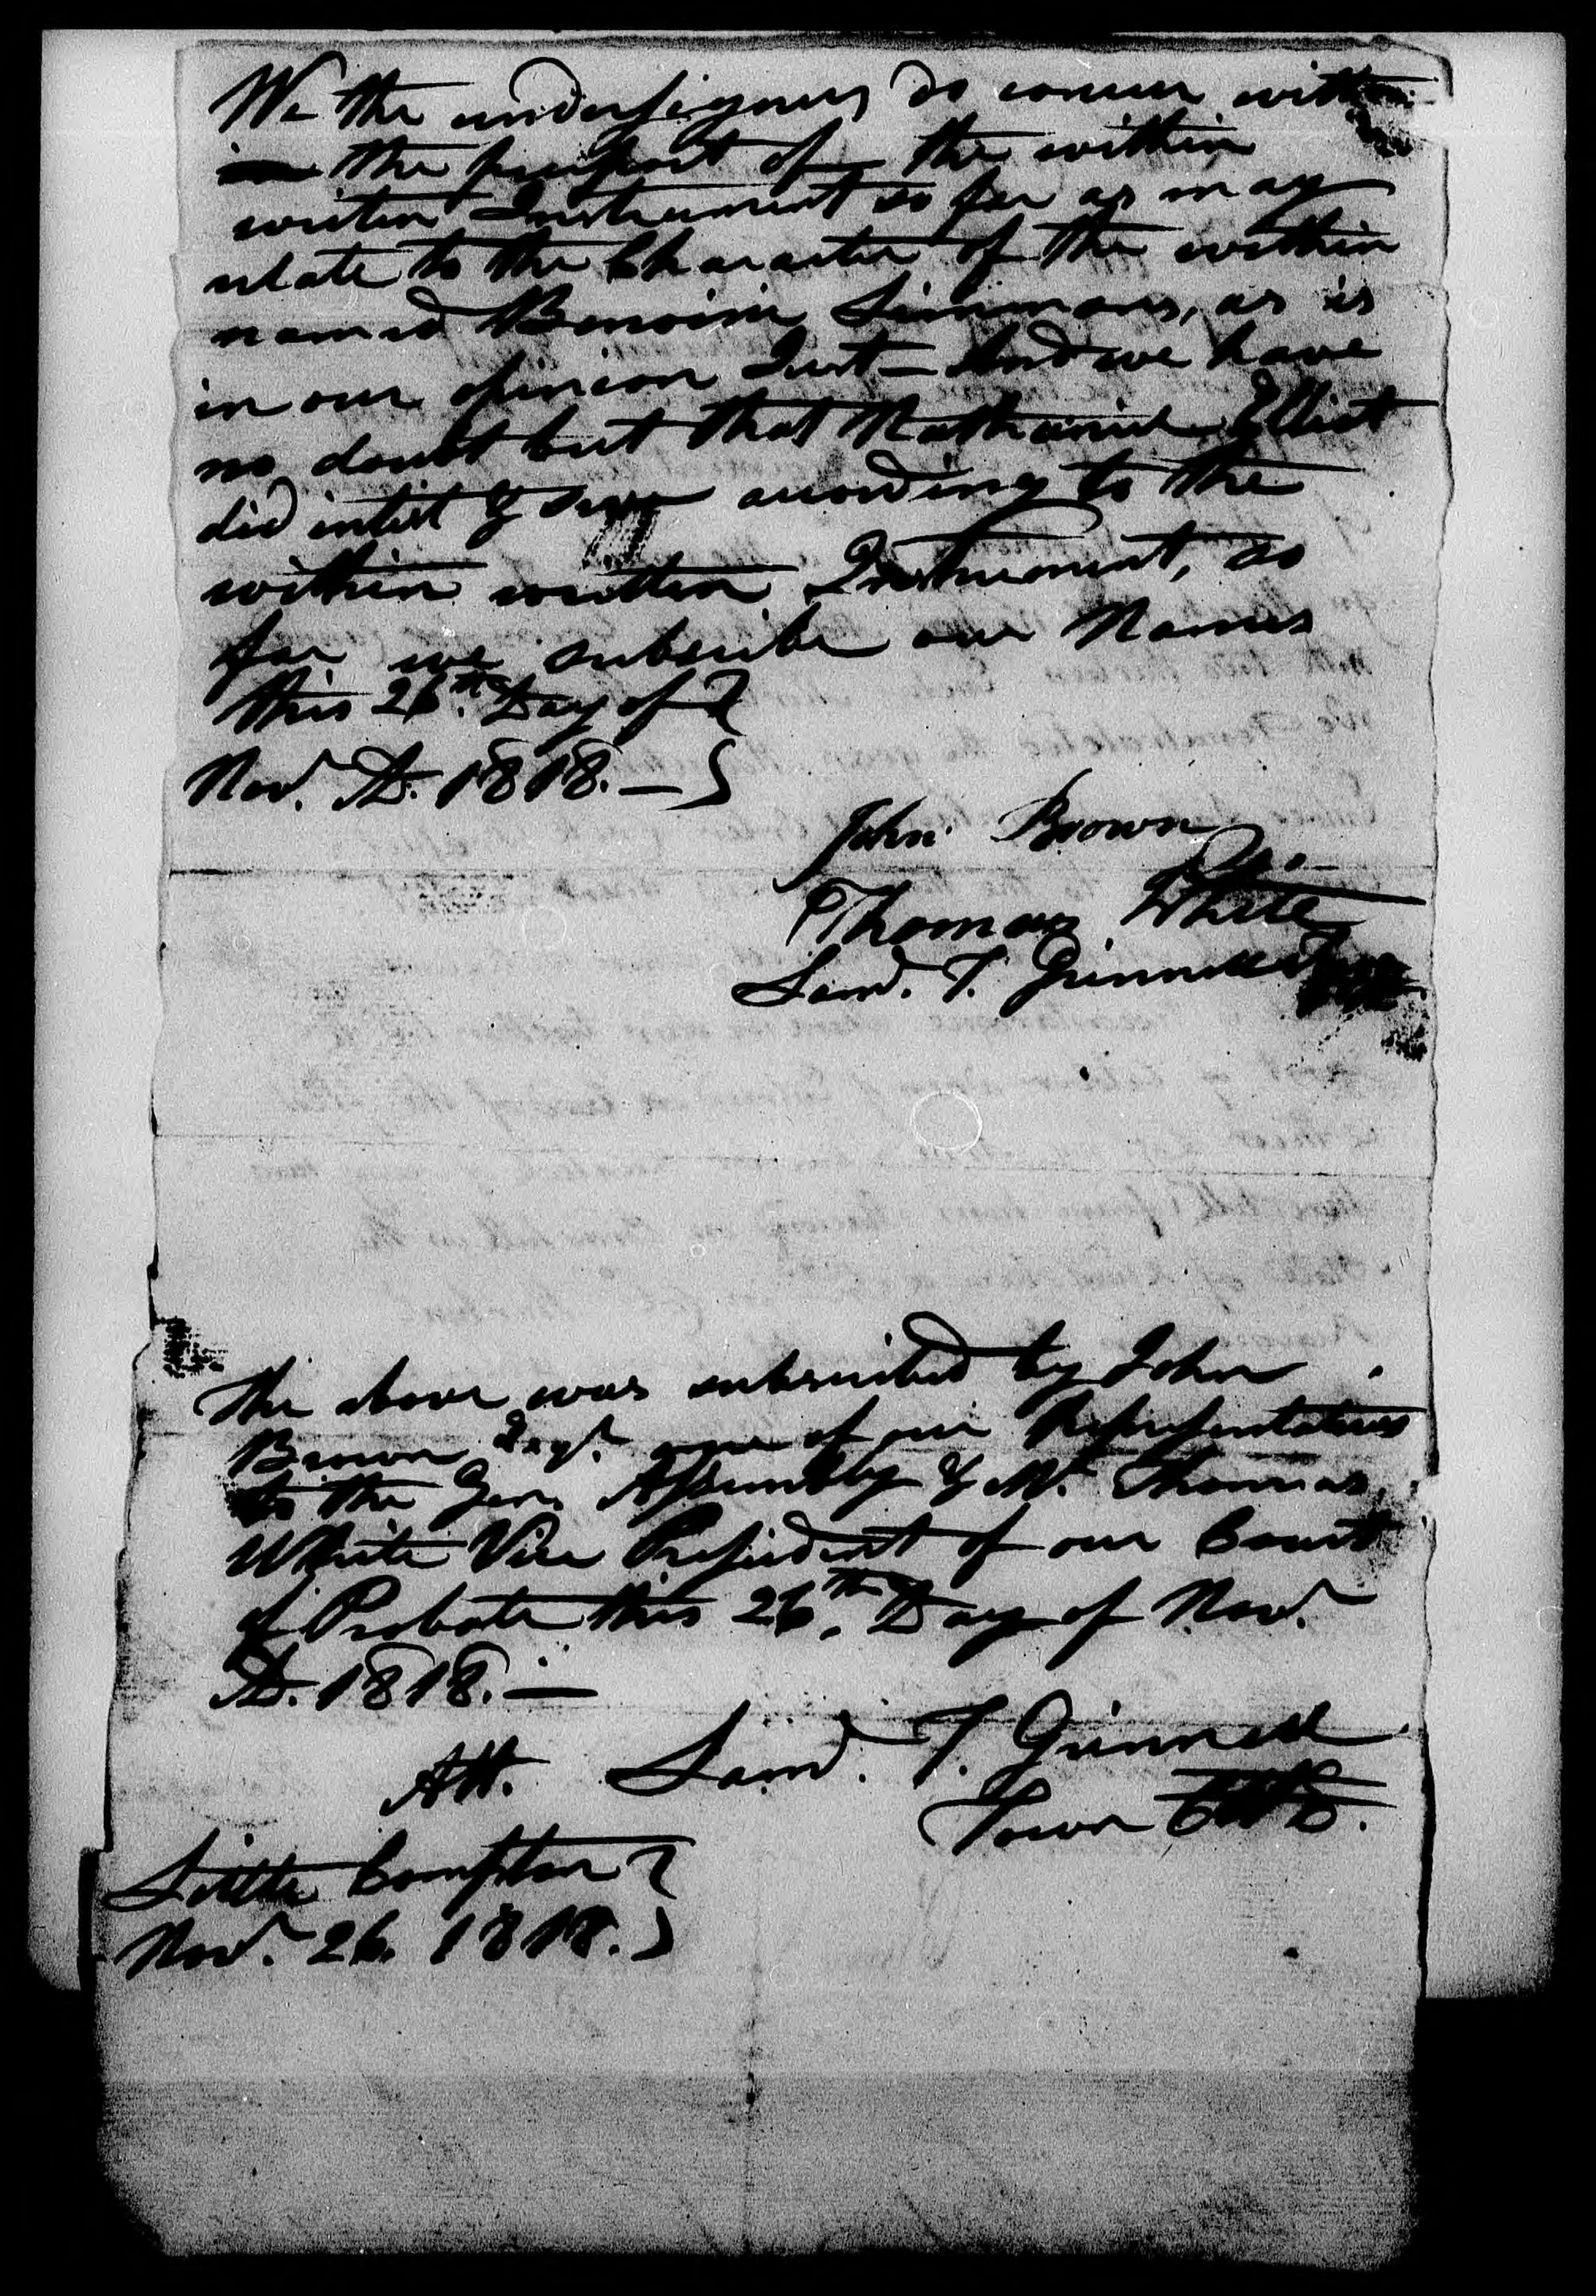We the undersigned do concur with the purport of the within written instrument so far as may relate to the character of the within named Benoni Simmons, as is in our opinion Just. And we have no doubt but that Nathaniel Elliot did inlist & serve according to the within written Instrument, so far as we subscribe our names this 18th day of Nov. A.D. 1818. John Brown Thomas White Saml. T. Grinnell

The above was subscribe by John Brown Esqr. one of our Representatives to the Gen. Assemply & Mr. Thomas White Vice President of our Court of Probate this 26th Day of Novr. AD 1818. Att. Saml. T. Grinnell Town Clks
Little Compton Nov. 26, 1818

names: John Brown, Nathaniel Elliot, John Brown, Saml T Grinnell, Saml T Grinnell, Thomas White, Benoni Simmons, Thomas White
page: 14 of 29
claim: survivor's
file: S. 38679, Nathaniel Elliot, Continental R.I.